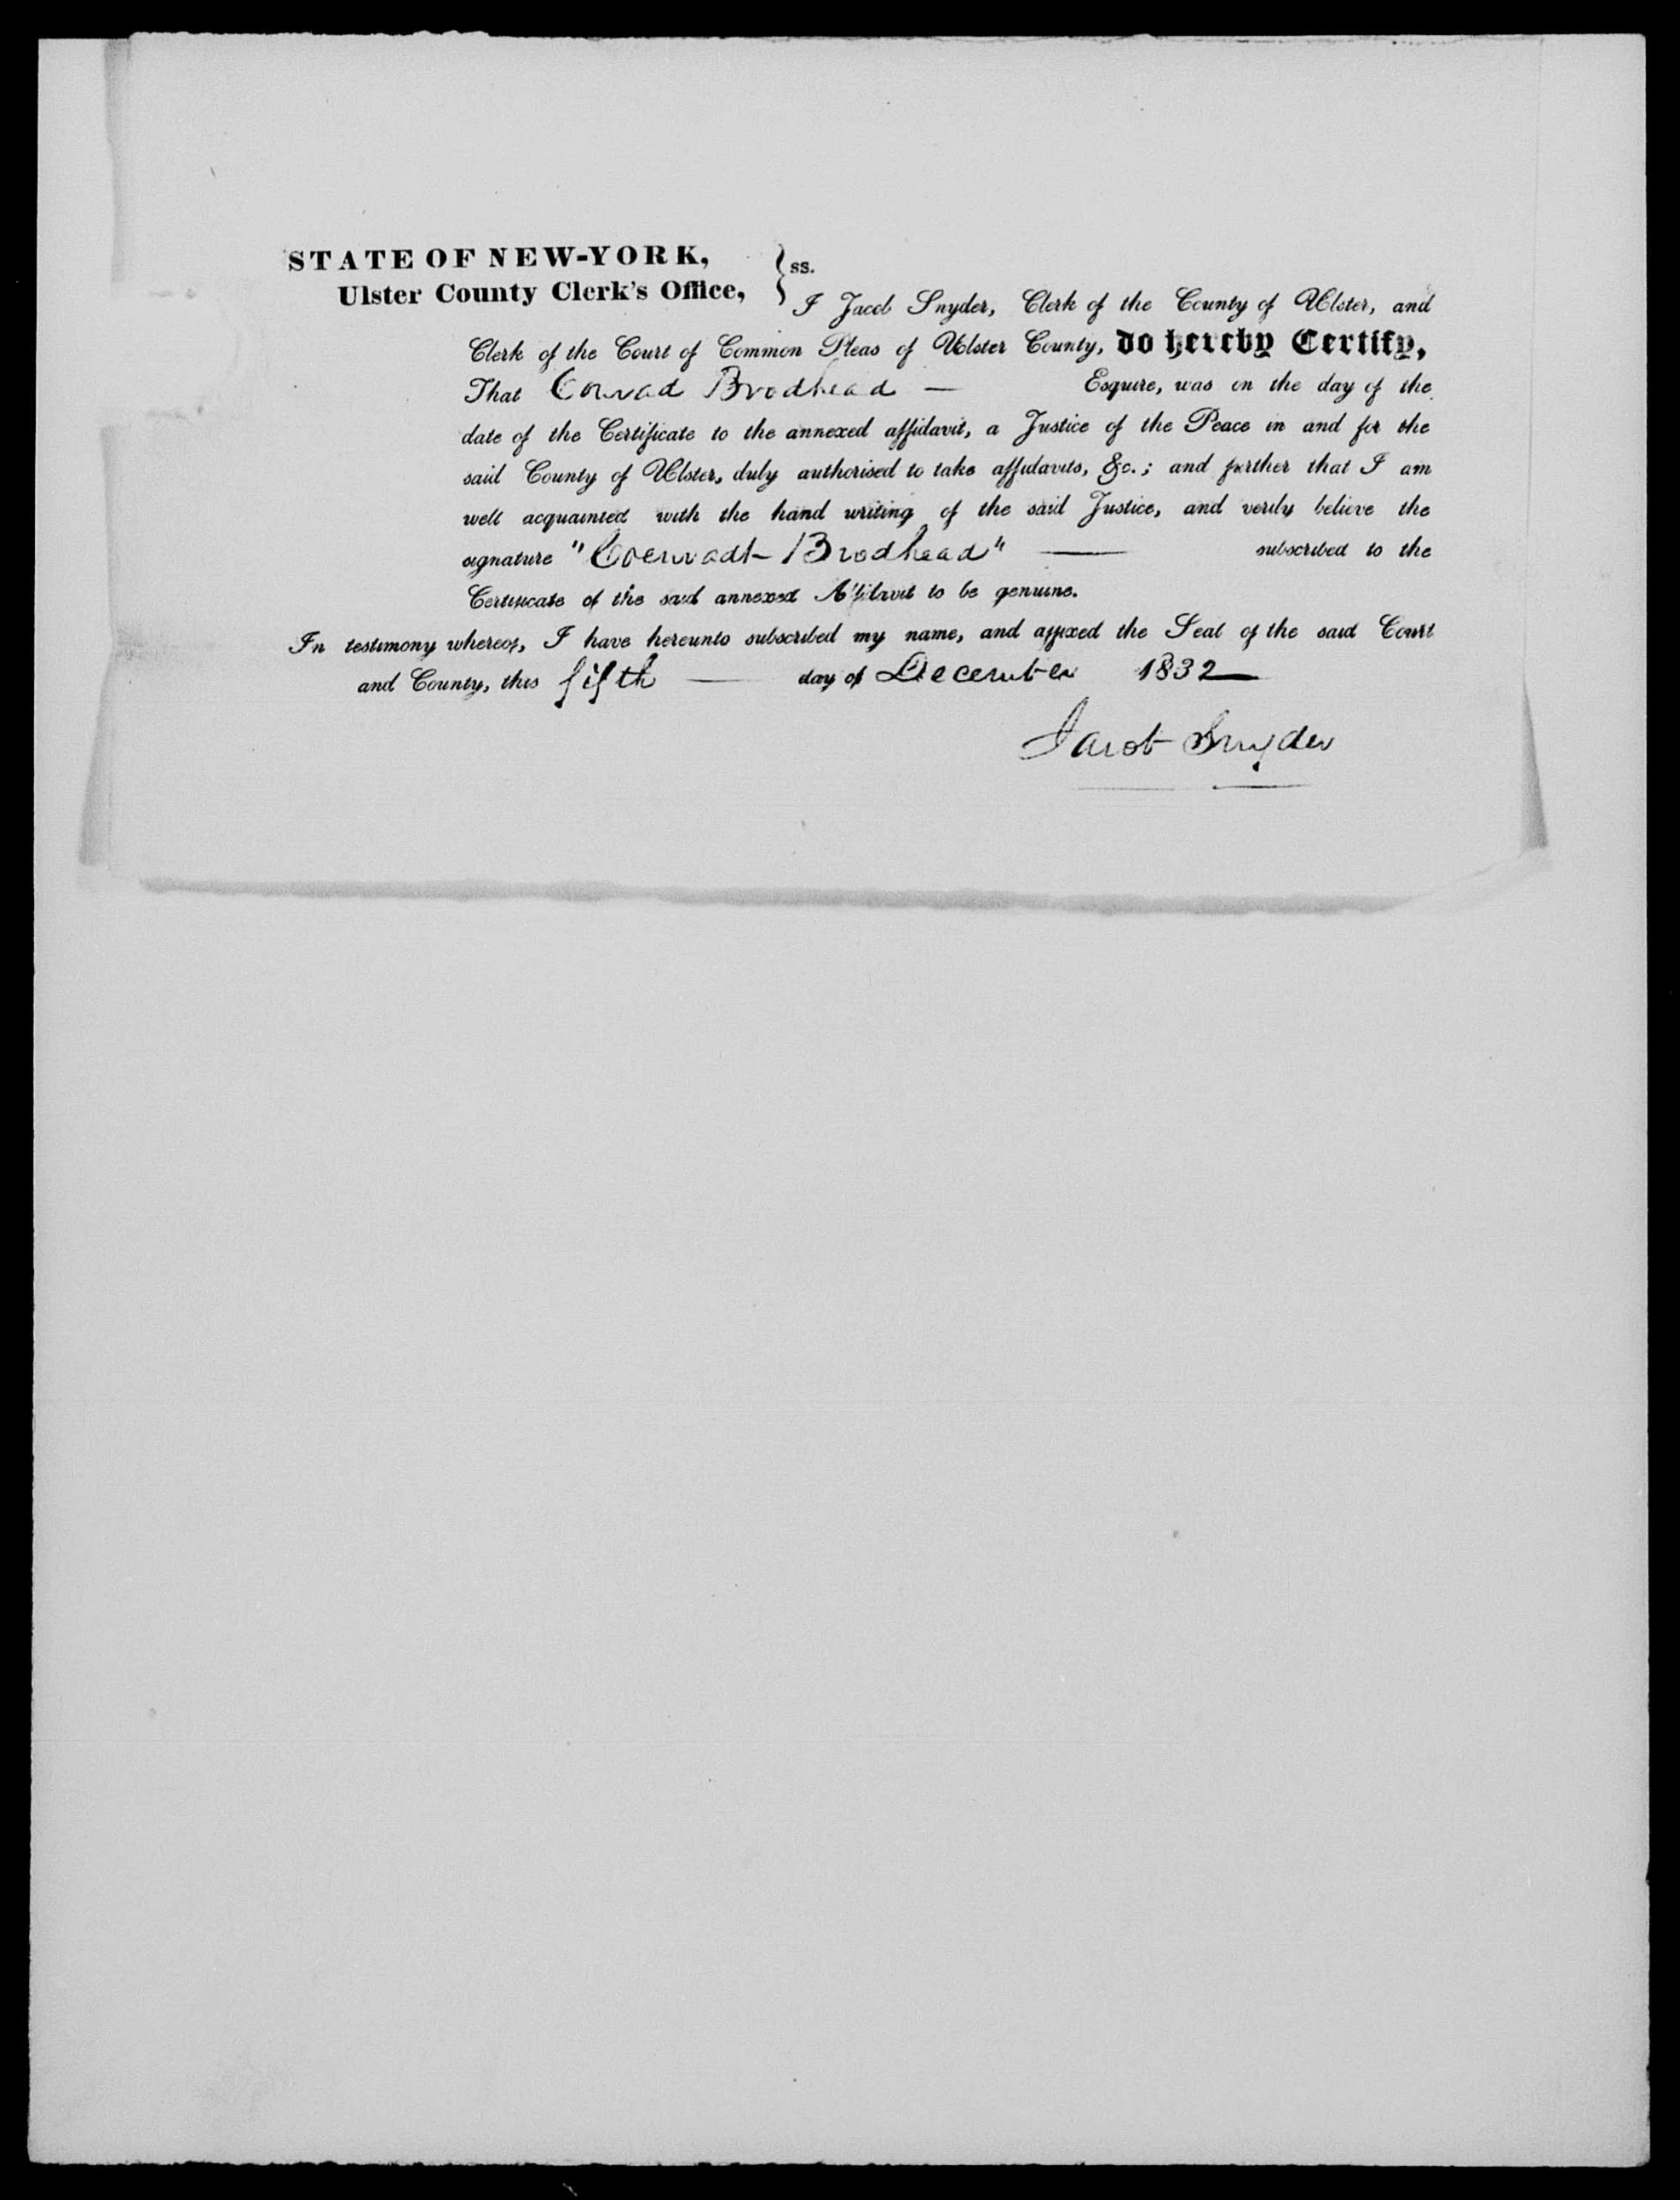STATE OF NEW-YORK,
Ulster County Clerk's Office,⎬  ss. I Jacob Snyder, Clerk of the County of Ulster, and Clerk of the Court of Common Pleas of Ulster County, do hereby Certify, That Conrad  Brodhead- Esquire, was in the day of the date of the Certificate to the annexed affidavit, a Justice of the Peace in and for the said County of Ulster, duly authorized to take affidavits, &c; and further that I am well acquainted with the hand writing of the said Justice, and verily believe the signature "Coenradt Brodhead" 
subscribed to the Certificate of the said annexed Affidavit to be genuine.
In testimony whereof, I have hereunto subscribed my name, and affixed the Seal of the said Court and County, this fifth day of December 1832
[signed] Jacob Snyder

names: Coenradt Brodhead, Conrad Brodhead, Jacob Snyder, Jacob Snyder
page: 22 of 36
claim: widow's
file: W 20995, Gerrit Dubois, New York